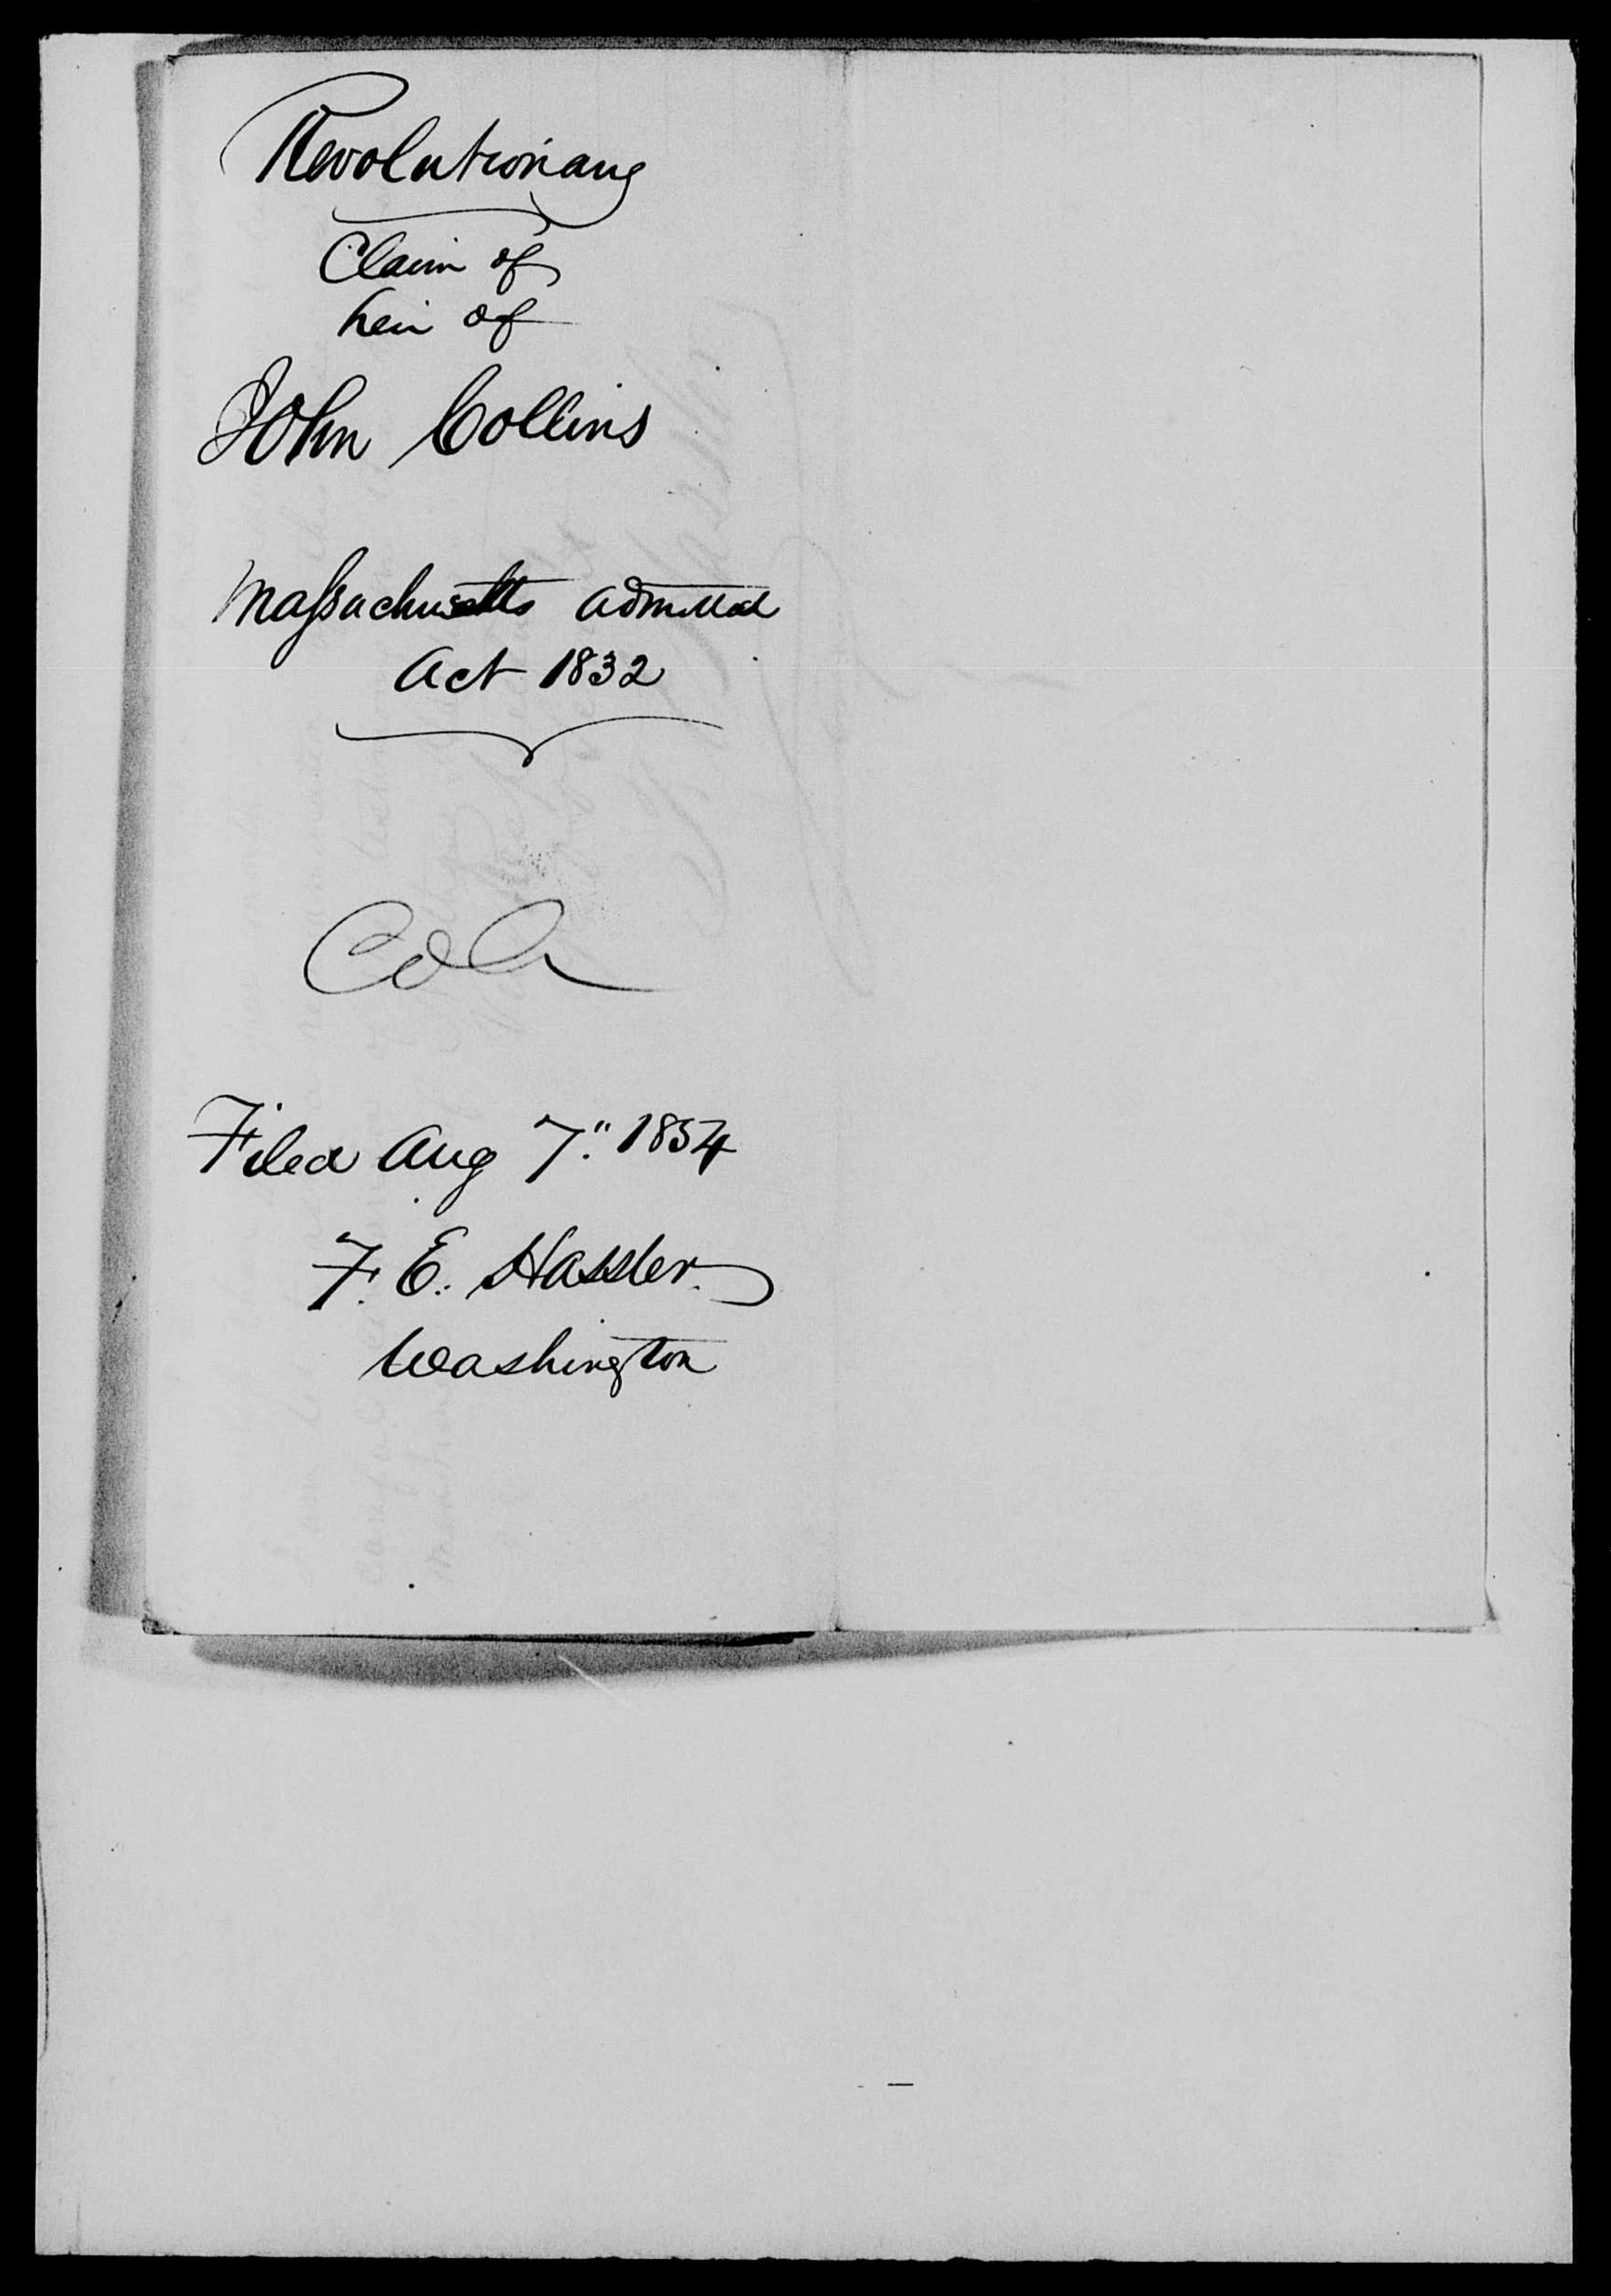Revolutionary Claim of heir of John Collins 

Massachuetts admitted 
Act 1832 

Filed Aug 7" 1854 
F E Hassler 
Washington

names: F E Hassler, John Collins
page: 24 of 43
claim: survivor's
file: S. 29,732, John Collins, Mass. Navy